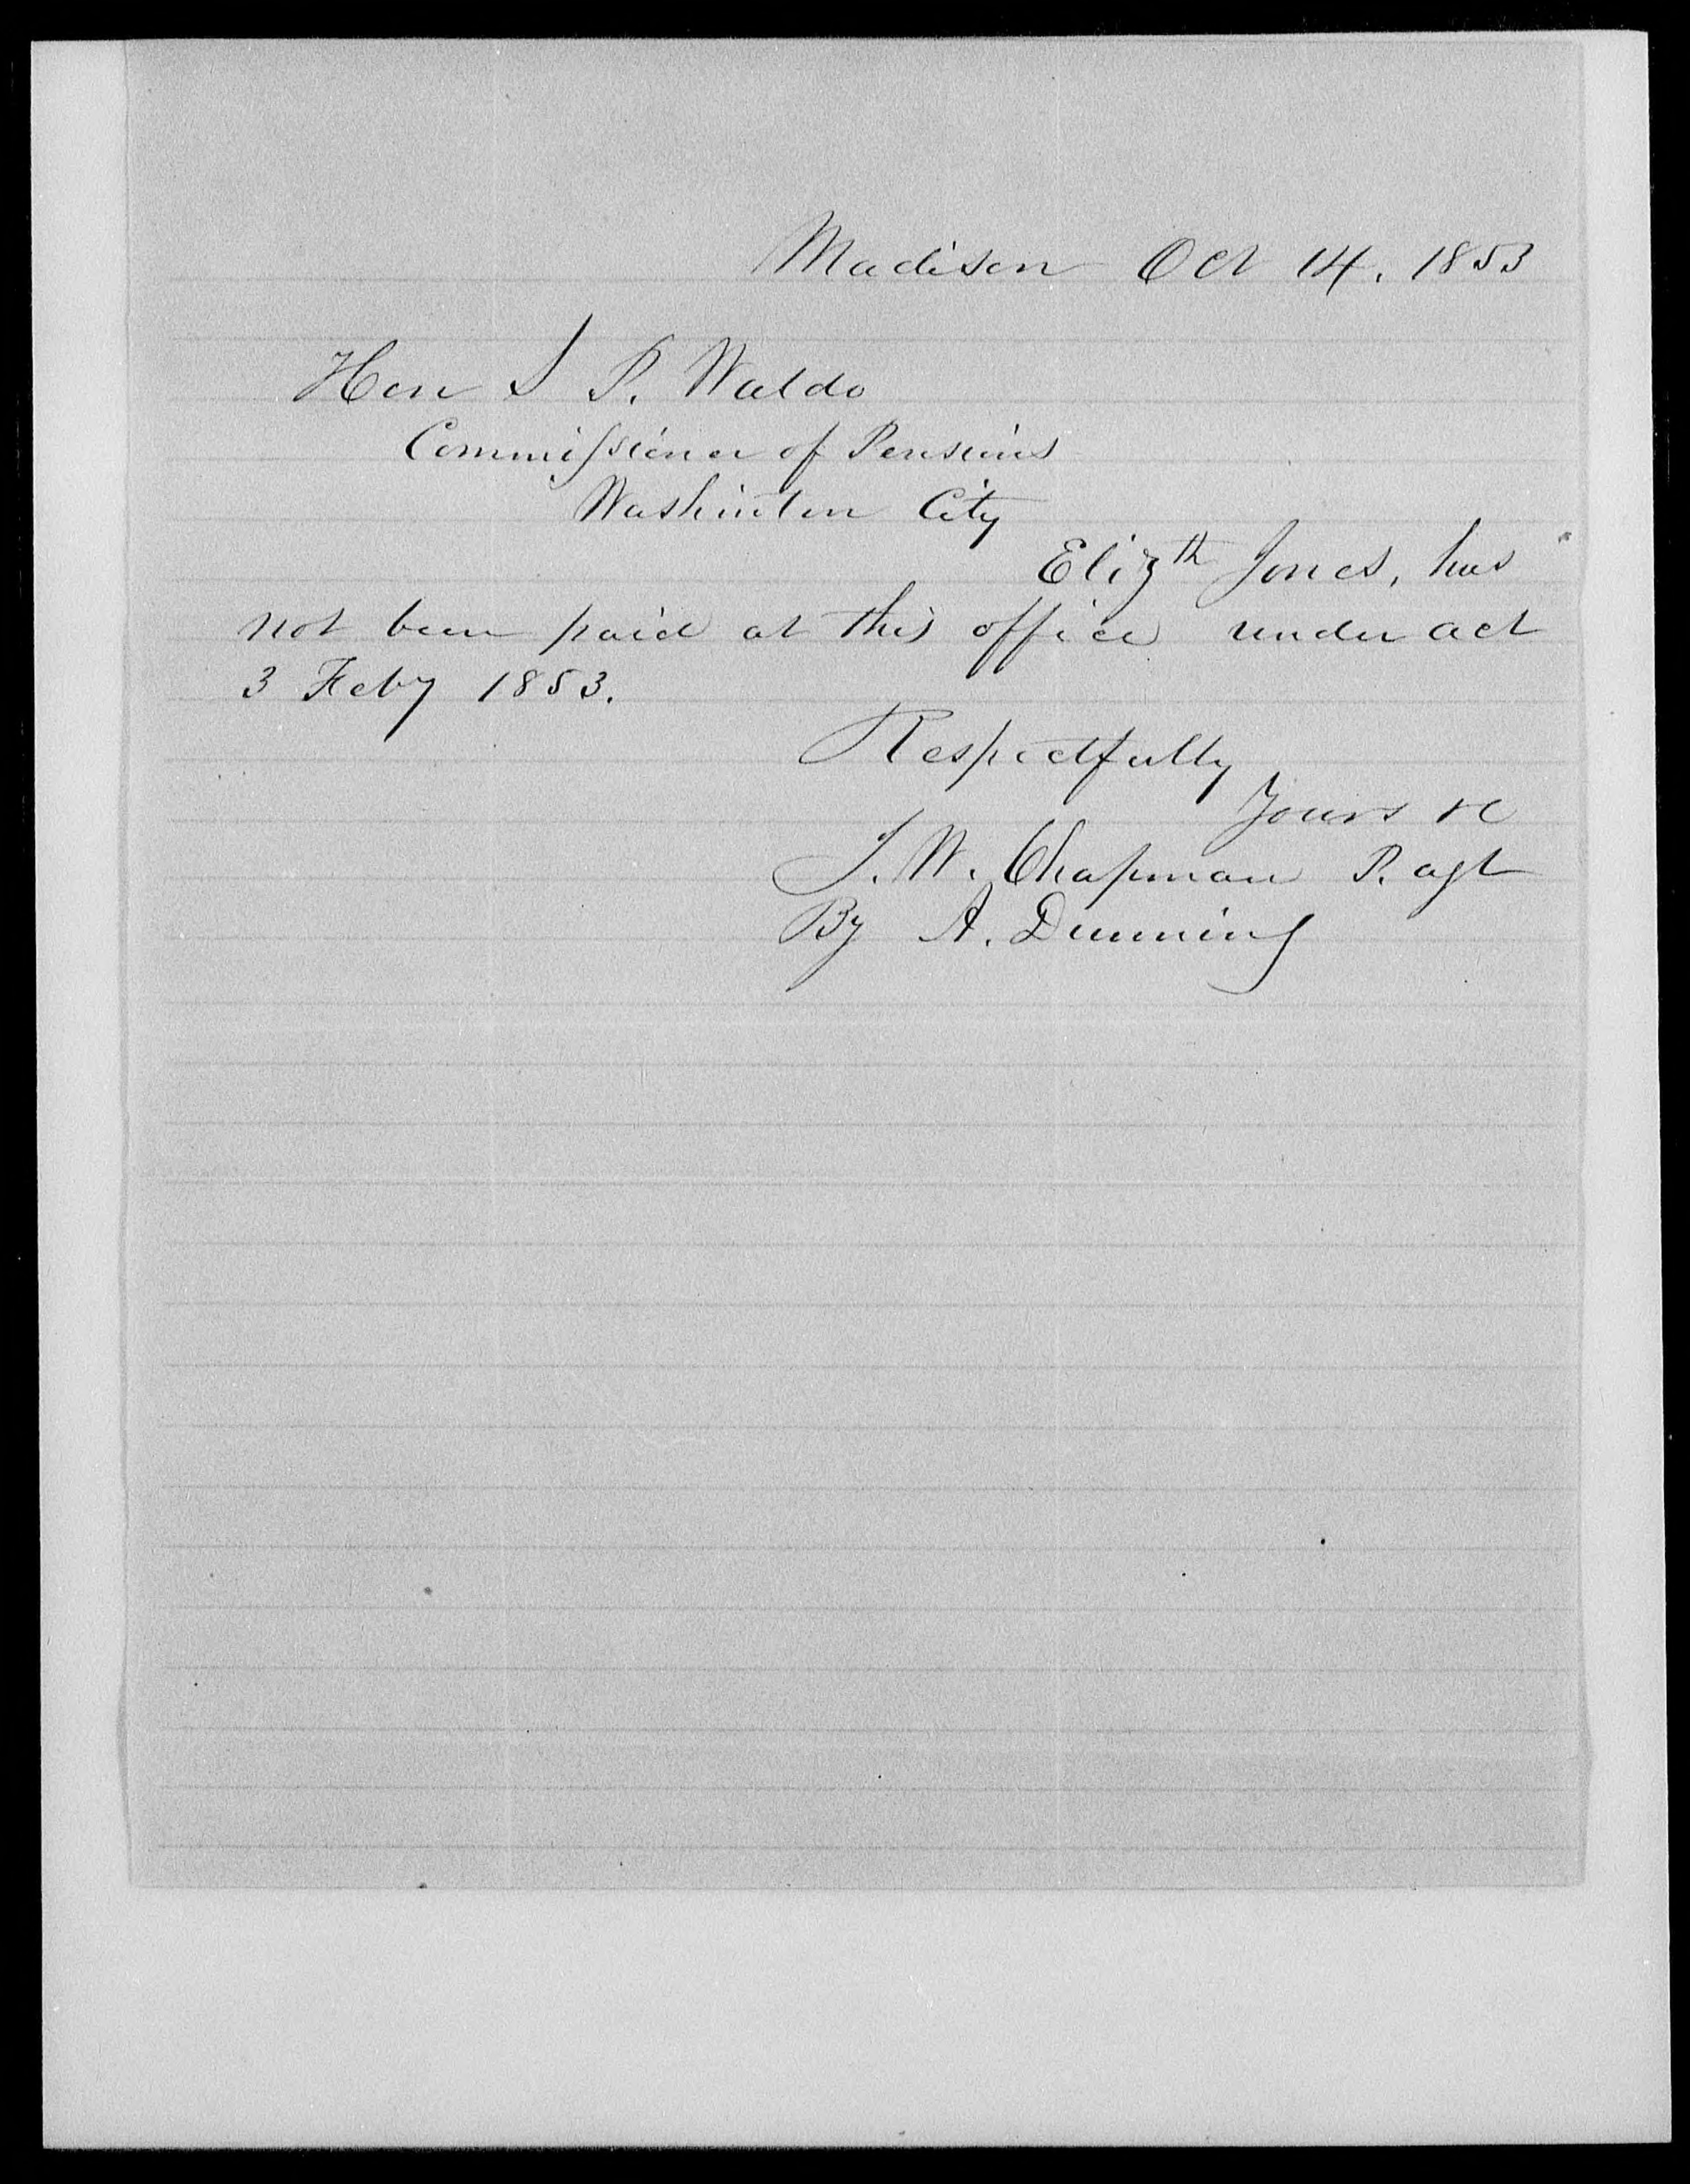Madison Oct 14, 1853
Hon S. P. Waldo
Commissioner of Pensions
Washington City
Elizth Jones, has not been paid at this office under act 3 Feby 1853.
Respectfully
Yours &c
J. M.  Chapman P. agt
By A. Dunning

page: 38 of 62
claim: widow's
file: W. 765, for Richard L Jones, Connecticut